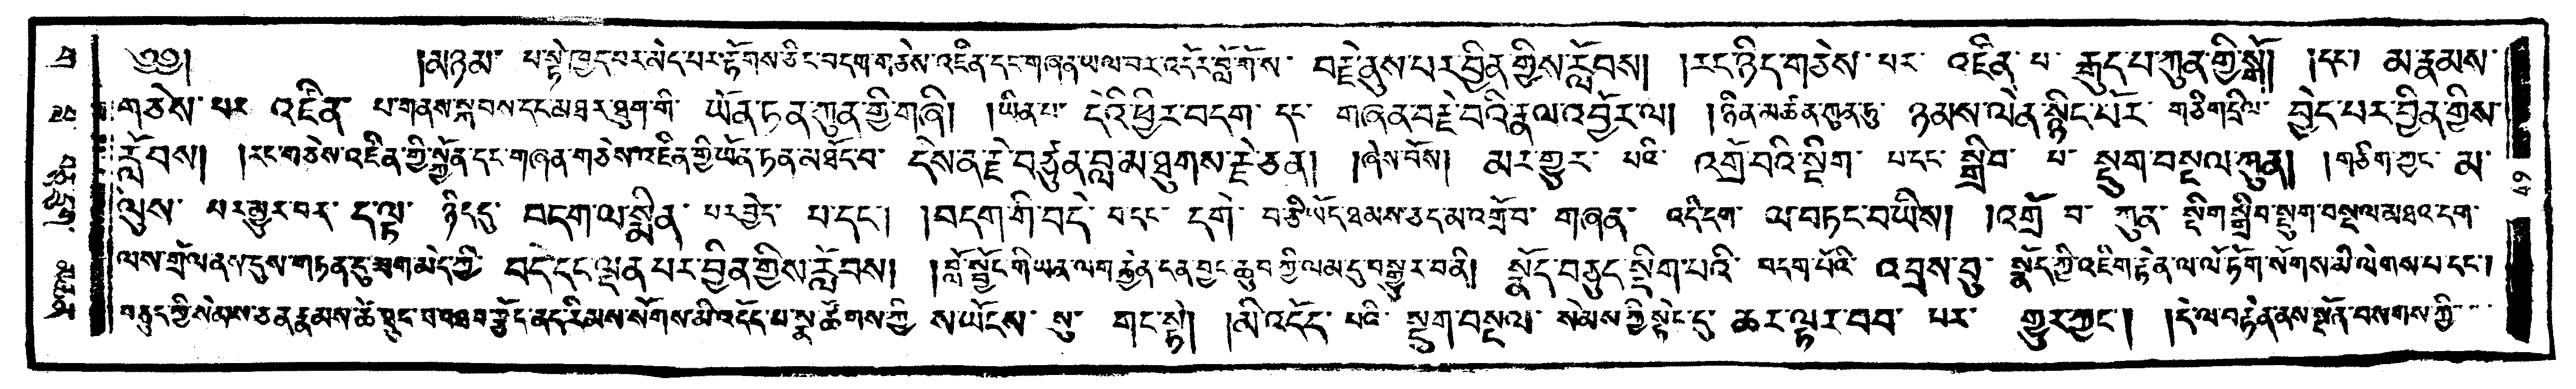༄༅། །མཉམ་པ་སྟེ་ཁྱད་པར་མེད་པར་རྟོགས་ཅིང་བདག་གཅེས་འཛིན་དང་གཞན་ཡལ་བར་འདོར་བློ་གོས་བརྗེ་ནུས་པར་བྱིན་གྱིས་རློབས། །རང་ཉིད་གཅེས་པར་འཛིན་པ་རྒུད་པ་ཀུན་གྱི་སྒོ། །དང་། མ་རྣམས་
གཅེས་པར་འཛིན་པ་གནས་སྐབས་དང་མཐར་ཐུག་གི་ཡོན་ཏན་ཀུན་གྱི་གཞི། །ཡིན་པ་དེའི་ཕྱིར་བདག་དང་གཞན་བརྗེ་བའི་རྣལ་འབྱོར་ལ། །ཉིན་མཚན་ཀུན་ཏུ་ཉམས་ལེན་སྙིང་པོར་གཅིག་དྲིལ་བྱེད་པར་བྱིན་གྱིས་
རློབས། །རང་གཅེས་འཛིན་གྱི་སྐྱོན་དང་གཞན་གཅེས་འཛིན་གྱི་ཡོན་ཏན་མཐོང་བ་དེས་ན་རྗེ་བཙུན་བླ་མ་ཐུགས་རྗེ་ཅན། །ཞེས་པོས། མར་གྱུར་པའི་འགྲོ་བའི་སྡིག་པ་དང་སྒྲིབ་པ་སྡུག་བསྔལ་ཀུན། །གཅིག་ཀྱང་མ་
ལུས་པར་མྱུར་བར་ད་ལྟ་ཉིད་དུ་བདག་ལ་སྨིན་པར་བྱེད་པ་དང་། །བདག་གི་བདེ་བ་དང་དགེ་བ་ཅི་ཡོད་ཐམས་ཅད་མ་འགྲོ་བ་གཞན་འདི་དག་ལ་བཏང་བ་ཡིས། །འགྲོ་བ་ཀུན་སྡིག་སྒྲིབ་སྡུག་བསྔལ་མཐའ་དག་
ལས་གྲོལ་ནས་དུས་གཏན་དུ་ཟག་མེད་ཀྱི་བདེ་དང་ལྡན་པར་བྱིན་གྱིས་རློབས། །བློ་སྦྱོང་གི་ཡན་ལག་རྐྱེན་ངན་བྱང་ཆུབ་ཀྱི་ལམ་དུ་བསྒྱུར་བ་ནི། སྣོད་བཅུད་སྡིག་པའི་བདག་པོའི་འབྲས་བུ་སྣོད་ཀྱི་འཇིག་རྟེན་ལ་ལོ་ཏོག་སོགས་མི་ལེགས་པ་དང་།
བཅུད་ཀྱི་སེམས་ཅན་རྣམས་ཚེ་ཐུང་ཕ་འཐབ་རྩོད་ནད་རིམས་སོགས་མི་འདོད་པ་སྣ་ཚོགས་ཀྱིས་ཡོངས་སུ་གང་སྟེ། །མི་འདོད་པའི་སྡུག་བསྔལ་སེམས་ཀྱི་སྟེང་དུ་ཆར་ལྟར་བབ་པར་གྱུར་ཀྱང་། །དེ་ལ་བརྟེན་ནས་སྔོན་བསགས་ཀྱི་